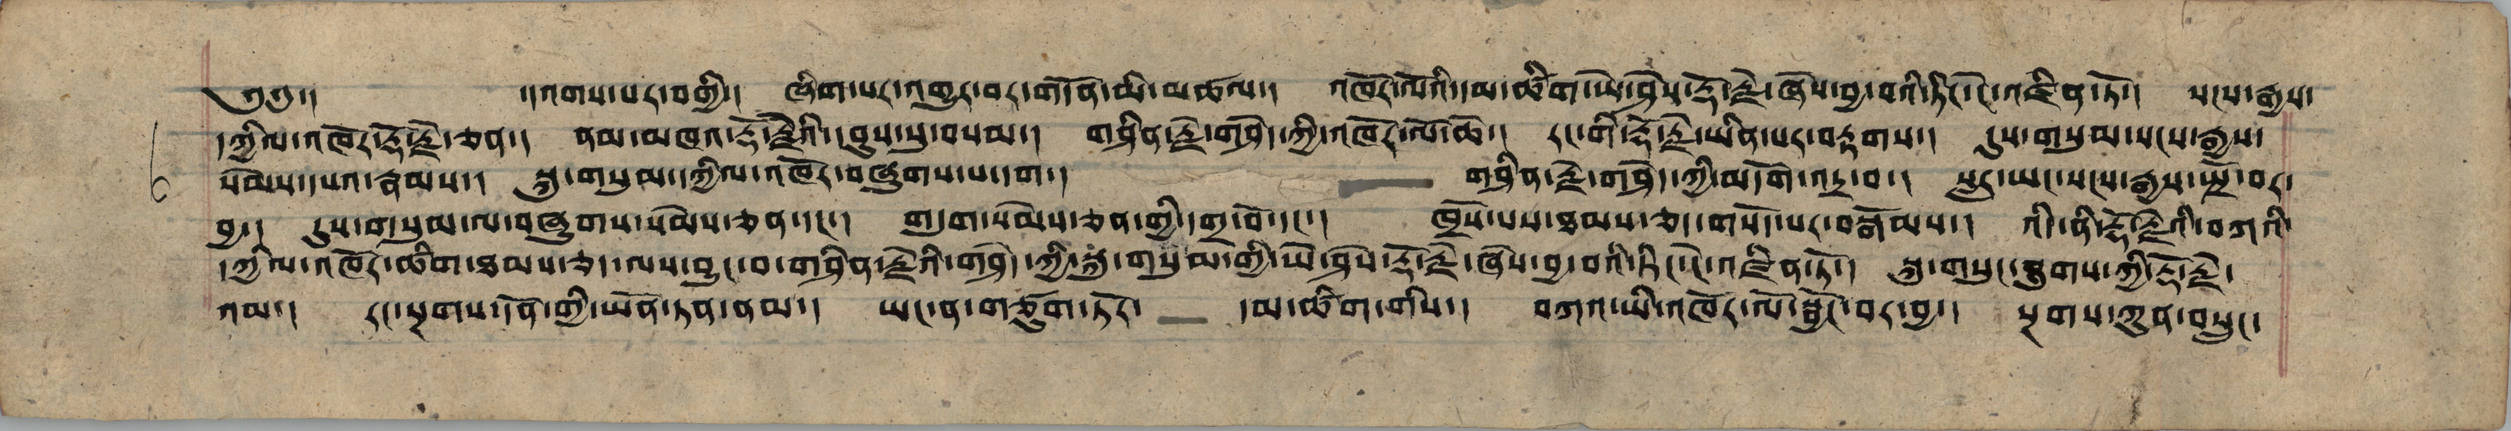༄༅་། ་།འགས་པར་བགྱི་། ཞིག་པར་འགྱུར་བར་གདོན་མི་མཚལ་། འཁོར་ལོའི་དམ་ཚིག་ཡེ་ཤེས་རྡོ་རྗེ་ཞེས་བྱ་བའི་ཏིང་ངེ་འཛིན་ཏོ་། སངས་རྒྱས་
དཀྱིལ་འཁོར་རྡོ་རྗེ་ཅན་། ནམ་མཁའ་རྡོ་རྗེའི་དབུས་སུ་བསམ་། གཤིན་རྗེ་གཤེད་ཀྱི་འཁོར་ལོ་ཆེ་། རང་གི་རྡོ་རྗེ་ཡིན་པར་བརྟགས་། དུས་གསུམ་སངས་རྒྱས་
སེམས་དཔའ་རྣམས་། སྐུ་གསུམ་དཀྱིལ་འཁོར་བཞུགས་པ་དག་། གཤིན་རྗེ་གཤེད་ཀྱི་མདོག་འདྲ་བ་། སླར་ཡང་སངས་རྒྱས་སྤྲོ་བར་
བྱ་། དུས་གསུམ་ལ་བཞུགས་སེམས་ཅན་དང་། གདུག་སེམས་ཅན་གྱི་དགྲ་བོ་དང་། ཁྲོས་པས་ཐམས་ཅད་གསོད་པར་བསྒོམས་། འདི་ནི་རྡོ་རྗེའི་བཀའི་
དཀྱིལ་འཁོར་ཚིག་ཐམས་ཅད་ལས་བྱུང་བ་གཤིན་རྗེའི་གཤེད་ཀྱི་སྐུ་གསུམ་གྱི་ཡེ་ཤེས་རྡོ་རྗེ་ཞེས་བྱ་བའི་ཏིང་ངེ་འཛིན་ཏོ་། སྐུ་གསུང་ཐུགས་ཀྱི་རྡོ་རྗེ་
འམ་། རང་སྔགས་དོན་གྱི་ཡོན་ཏན་ནམ་། ཡང་ན་གཙུག་ཏོར་ དམ་ཚིག་གིས་། བཀའ་ཡི་འཁོར་ལོ་སྦྱོང་བར་བྱ་། སྔགས་ཀུན་བསྲུང་